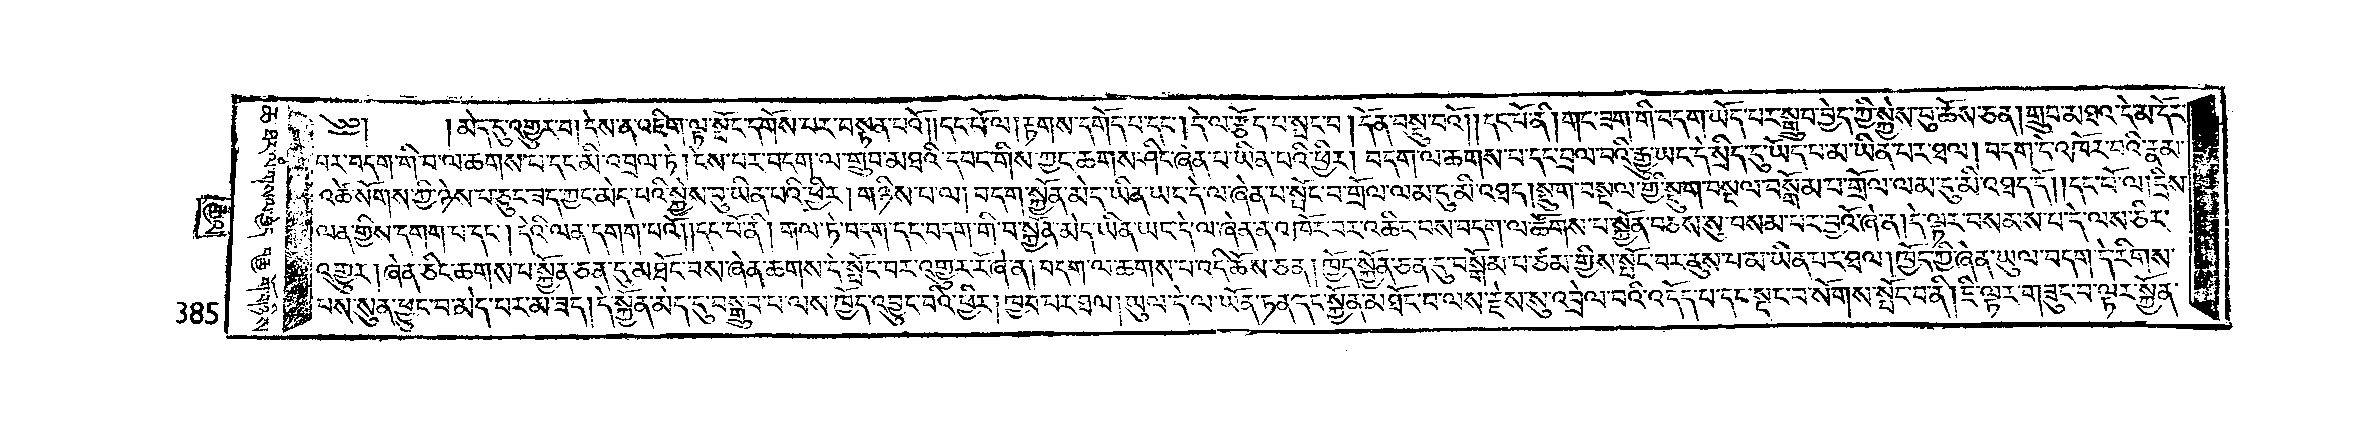༄༅། །མེད་དུ་འགྱུར་བ། དེས་ན་འཇིག་ལྟ་སྤོང་དགོས་པར་བསྟན་པའོ། །དང་པོ་ལ། རྟགས་དགོད་པ་དང་། དེ་ལ་རྩོད་པ་སྤང་བ། དོན་བསྡུ་བའོ། །དང་པོ་ནི། གང་ཟག་གི་བདག་ཡོད་པར་སྒྲུབ་བྱེད་ཀྱི་སྐྱེས་བུ་ཆོས་ཅན། གྲུབ་མཐའ་དེ་མ་དོར་
བར་བདག་གི་བ་ལ་ཆགས་པ་དང་མི་འབྲལ་ཏེ། ངེས་པར་བདག་ལ་གྲུབ་མཐའི་དབང་གིས་ཀྱང་ཆགས་ཤིང་ཞེན་པ་ཡིན་པའི་ཕྱིར། བདག་ལ་ཆགས་པ་དང་བྲལ་བའི་རྒྱུ་ཡང་དེ་སྲིད་དུ་ཡོད་པ་མ་ཡིན་པར་ཐལ། བདག་དེ་འཁོར་བའི་རྣམ་
འཚེ་སོགས་ཀྱི་ཉེས་པ་ཅུང་ཟད་ཀྱང་མེད་པའི་སྐྱེས་བུ་ཡིན་པའི་ཕྱིར། གཉིས་པ་ལ། བདག་སྐྱོན་མེད་ཡིན་ཡང་དེ་ལ་ཞེན་པ་སྤོང་བ་གྲོལ་ལམ་དུ་མི་འཐད། སྡུག་བསྔལ་གྱི་སྡུག་བསྔལ་བསྒོམ་པ་གྲོལ་ལམ་དུ་མི་འཐད་དོ། །དང་པོ་ལ། དྲིས་
ལན་གྱིས་དགག་པ་དང་། དེའི་ལན་དགག་པའོ། །དང་པོ་ནི། གལ་ཏེ་བདག་དང་བདག་གི་བ་སྐྱོན་མེད་ཡིན་ཡང་དེ་ལ་ཞེན་ན་འཁོར་བར་འཆིང་བས་བདག་ལ་ཚོགས་པ་སྐྱོན་བཅས་སུ་བསམ་པར་བྱའོ་ཞེ་ན། དེ་ལྟར་བསམས་པ་དེ་ལས་ཅིར་
འགྱུར། ཞེན་ཅིང་ཆགས་པ་སྐྱོན་ཅན་དུ་མཐོང་བས་ཞེན་ཆགས་དེ་སྤོང་བར་འགྱུར་རོ་ཞེ་ན། བདག་ལ་ཆགས་པ་འདི་ཆོས་ཅན། ཁྱོད་སྐྱོན་ཅན་དུ་བསྒོམ་པ་ཙམ་གྱིས་སྤོང་བར་ནུས་པ་ཡིན་པར་ཐལ། ཁྱོད་ཀྱི་ཞེན་ཡུལ་བདག་དེ་རིགས་
པས་སུན་ཕྱུང་བ་མེད་པར་མ་ཟད། དེ་སྐྱོན་མེད་དུ་བསྒྲུབ་པ་ལས་ཁྱོད་འབྱུང་བའི་ཕྱིར། ཁྱབ་པར་ཐལ། ཡུལ་དེ་ལ་ཡོན་ཏན་དང་སྐྱོན་མཐོང་བ་ལས་རྗེས་སུ་འབྲེལ་བའི་འདོད་པ་དང་སྡང་བ་སོགས་སྤོང་བ་ནི། ཇི་ལྟར་གཟུང་བ་ལྟར་སྐྱོན་